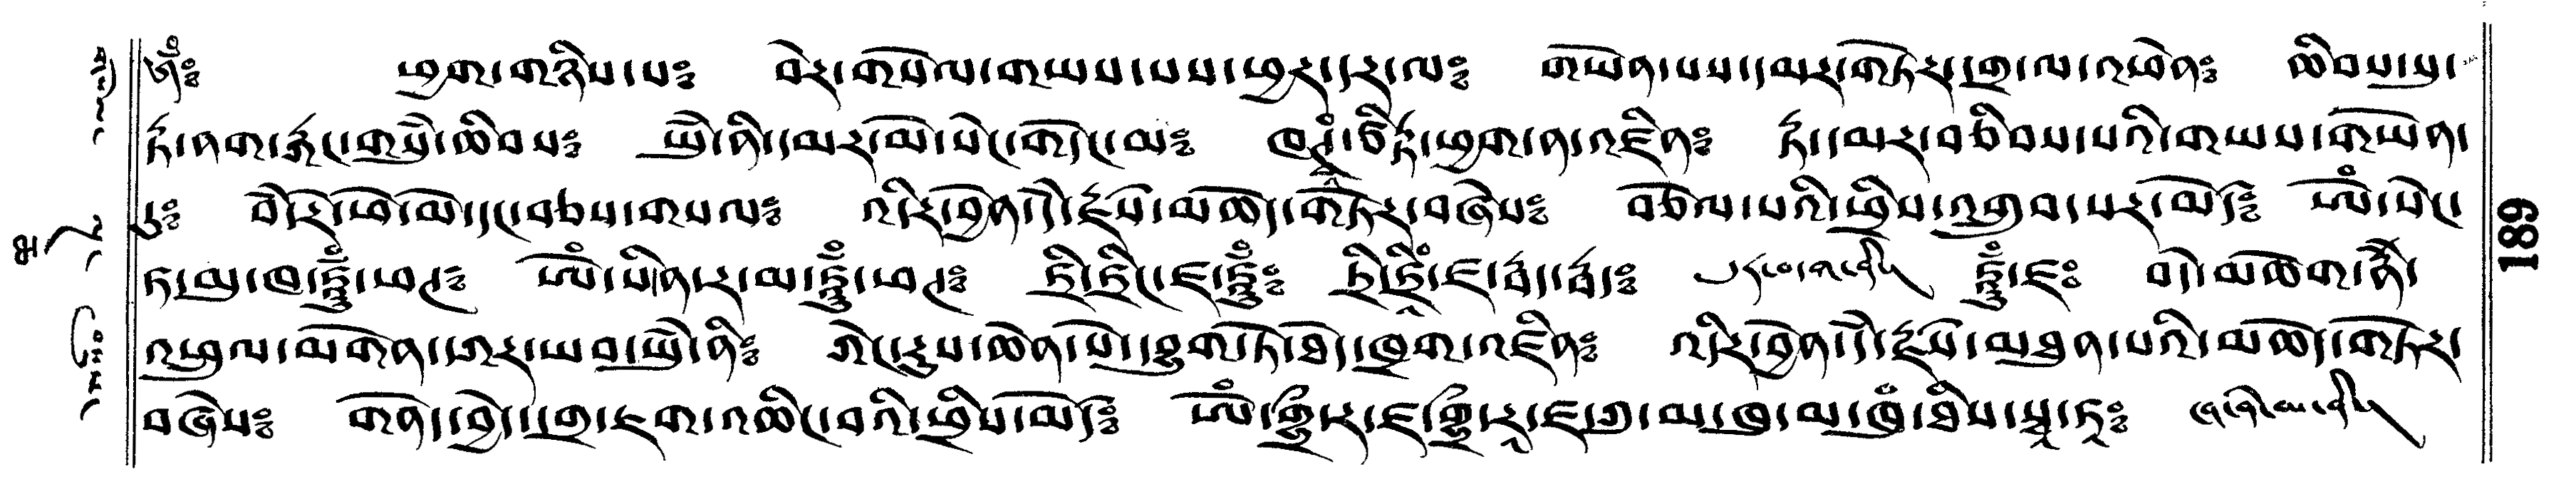ཕྱག་གཉིས་པ༔ བེར་གསོལ་གཡས་པས་ཕྱར་དར་ལ༔ གཡོན་པས་དམར་གཏོར་དགྲ་ལ་འཕེན༔ ཆིབས་སུ་
རྟ་ནག་རྐང་གསུམ་ཆིབས༔ ཡུམ་ནི་དམར་མོ་སེང་གདོང་མ༔ ཁ་ཊྭཱཾ་ཙིཏྟ་ཕྱག་ན་འཛིན༔ རྟ་དམར་བཅིབས་པའི་གཡས་གཡོན་
དུ༔ བམ་རོ་ཕོ་མོ་དང་བཅས་གསལ༔ འདིར་བྱོན་དམ་རྫས་མཆོད་གཏོར་བཞེས༔ བཅོལ་པའི་ཕྲིན་ལས་འགྲུབ་པར་མཛོད༔ ཨོཾ་སེང་
ཧ་མུ་ཁ་ཧཱུྃ་ཕཊ༔ ཨོཾ་སི་ན་ར་མ་ཧཱུྃ་ཕཊ༔ ཏྲི་ཧྲཱིཾ་ཛ་ཧཱུྃ༔ ཏྲི་ཧྲཱིཾ་ཛ་རྦད་རྦད༔ དུར་བདག་ནི། ཧཱུྃ་ཛཿ བདེ་མཆོག་རྣམ་
འཕྲུལ་མགོན་དཀར་ཡབ་ཡུམ་ནི༔ ཀེང་རུས་ཆེན་པོ་དབྱུག་ཏོ་ཐོད་ཁྲག་འཛིན༔ འདིར་བྱོན་དམ་རྫས་མཐུན་པའི་མཆོད་གཏོར་
བཞེས༔ གནོད་བྱེད་དགྲ་ཇག་འཆིང་བའི་ཕྲིན་ལས་མཛོད༔ ཨོཾ་གྷྲྀ་རཱ་ཛ་གྷྲྀ་རཱ་ཛ་ཀུ་མ་ཁུ་མ་ཁུཾ་ཐིས་སྭ་ཧཱ༔ ངན་ནེ་མ་ནི།